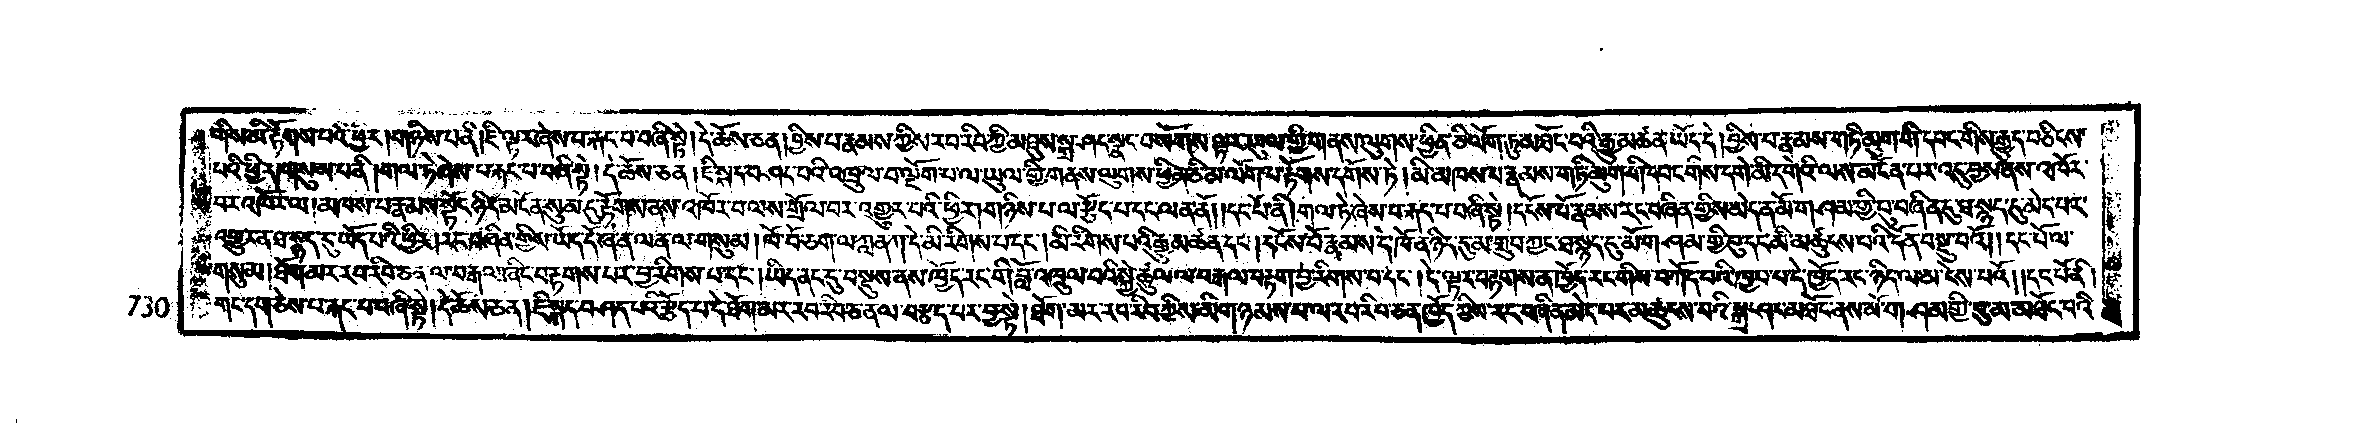གིས་མི་རྟོགས་པའི་ཕྱིར། གཉིས་པ་ནི། ཇི་ལྟར་ཞེས་པ་རྐང་པ་བཞི་སྟེ། དེ་ཆོས་ཅན། བྱིས་པ་རྣམས་ཀྱིས་རབ་རིབ་ཀྱི་མཐུས་སྐྲ་ཤད་སྣང་བ་སོགས་ལྟར་ཡུལ་གྱི་གནས་ལུགས་ཕྱིན་ཅི་ལོག་ཏུ་མཐོང་བའི་རྒྱུ་མཚན་ཡོད་དེ། བྱིས་པ་རྣམས་གཏི་མུག་གི་དབང་གིས་རྒྱུད་བཅིངས་
པའི་ཕྱིར། གསུམ་པ་ནི། གལ་ཏེ་ཞེས་པ་རྐང་པ་བཞི་སྟེ། དེ་ཆོས་ཅན། ཇི་སྐད་བཤད་པའི་འཁྲུལ་བ་ལྡོག་པ་ལ་ཡུལ་གྱི་གནས་ལུགས་ཕྱིན་ཅི་མ་ལོག་པ་རྟོགས་དགོས་ཏེ། མི་མཁས་པ་རྣམས་གཏི་མུག་གི་དབང་གིས་དགེ་མི་དགེའི་ལས་མངོན་པར་འདུ་བྱས་ནས་འཁོར་
བར་འཁོར་ལ། མཁས་པ་རྣམས་སྟོང་ཉིད་མངོན་སུམ་དུ་རྟོགས་ནས་འཁོར་བ་ལས་གྲོལ་བར་འགྱུར་བའི་ཕྱིར། གཉིས་པ་ལ་རྩོད་པ་དང་ལན་ནོ། །དང་པོ་ནི། གལ་ཏེ་ཞེས་པ་རྐང་པ་བཞི་སྟེ། དངོས་པོ་རྣམས་རང་བཞིན་གྱིས་མེད་ན་མོ་གཤམ་གྱི་བུ་བཞིན་དུ་ཐ་སྙད་དུ་མེད་པར་
འགྱུར་ན་ཐ་སྙད་དུ་ཡོད་པའི་ཕྱིར། རང་བཞིན་གྱིས་ཡོད་དོ་ཞེ་ན་ལན་ལ་གསུམ། ཁོ་བོ་ཅག་ལ་ཀླན་ཀ་དེ་མི་རིགས་པ་དང་། མི་རིགས་པའི་རྒྱུ་མཚན་དང་། དངོས་པོ་རྣམས་དེ་ཁོ་ན་ཉིད་དུ་མ་གྲུབ་ཀྱང་ཐ་སྙད་དུ་མོ་གཤམ་གྱི་བུ་དང་མི་མཚུངས་པའི་དོན་བསྡུ་བའོ། །དང་པོ་ལ་
གསུམ། ཐོག་མར་རབ་རིབ་ཅན་ལ་བརྒལ་ཞིང་བརྟགས་པར་བྱ་རིགས་པ་དང་། ཡིད་ནང་དུ་བསྡུས་ནས་ཁྱོད་རང་གི་བློ་འཁྲུལ་བའི་སྐྱེ་ཚུལ་ལ་བརྒལ་བརྟག་བྱ་རིགས་པ་དང་། དེ་ལྟར་བརྟགས་ན་ཁྱོད་རང་གིས་བཀོད་པའི་ཁྱབ་པ་དེ་ཁྱོད་རང་ཉིད་ལ་མ་ངེས་པའོ། །དང་པོ་ནི།
གང་དག་ཅེས་པ་རྐང་པ་བཞི་སྟེ། དེ་ཆོས་ཅན། ཇི་སྐད་བཤད་པའི་རྩོད་པ་དེ་ཐོག་མར་རབ་རིབ་ཅན་ལ་བརྩད་པར་བྱ་སྟེ། ཐོག་མར་རབ་རིབ་ཀྱིས་མིག་ཉམས་པ་ལ་རབ་རིབ་ཅན་ཁྱོད་ཀྱིས་རང་བཞིན་མེད་པར་མཚུངས་པའི་སྒྲ་ཤར་མཐོང་ནས་མོ་གཤམ་གྱི་བུ་མ་མཐོང་བའི་